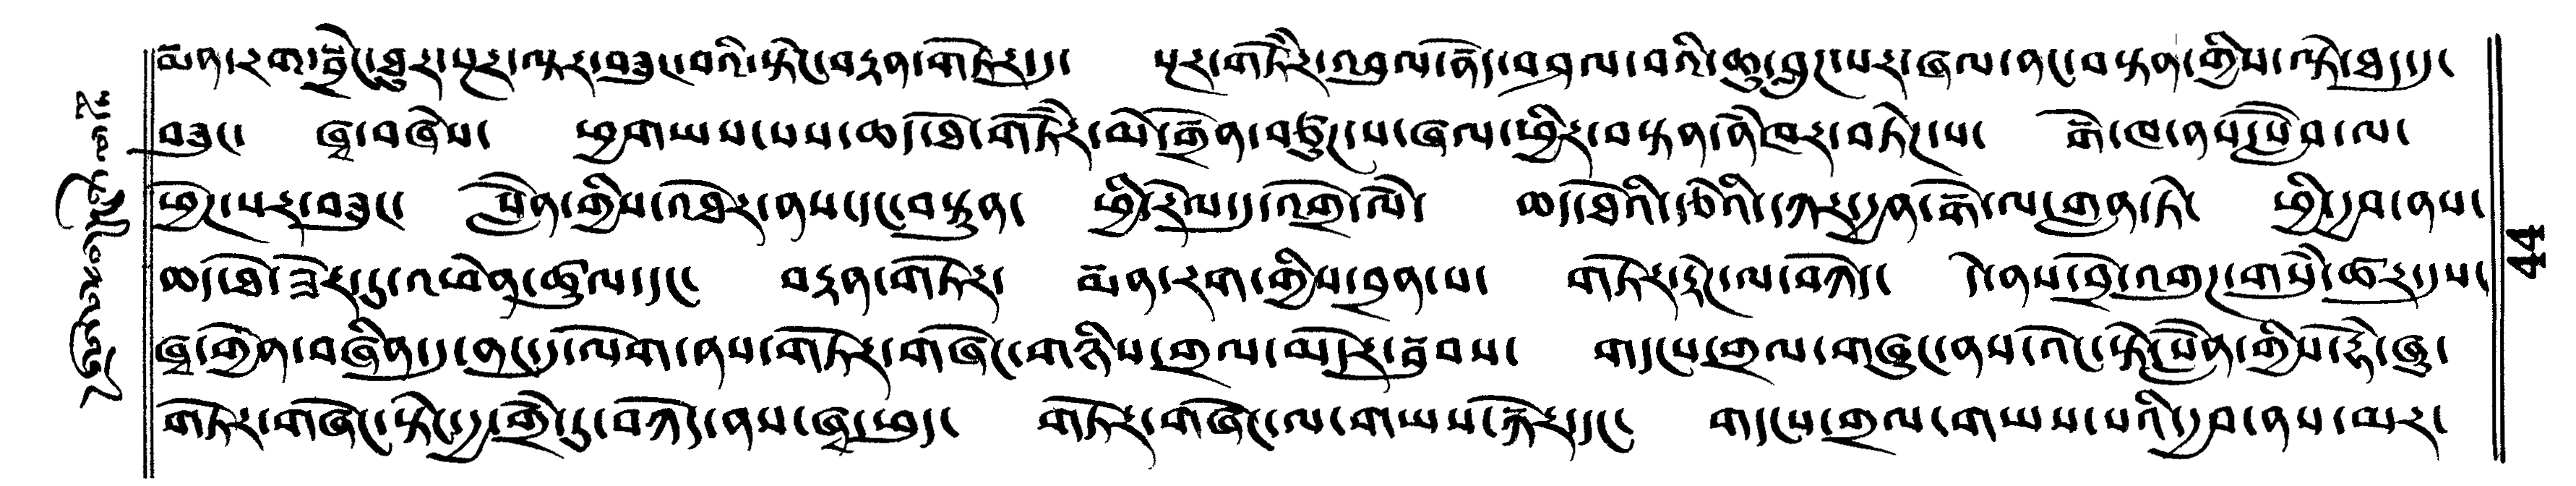སྨན་རག་སྦྲེང་ཐུར་སྔར་ལྟར་བཟུང་བའི་སྟེང་བརྟན་གཏོར་དུ། སྔར་གཏོར་མ་འབུལ་སྣོད་བཤལ་བའི་ཆུ་བླུགས་ནས་ཞལ་ནང་བསྟན་གྱིས་ལྟེ་ཐད་དུ་
བཟུང་། ཞྭ་བཞེས། ཕྱག་གཡས་པས་ཆད་ཐོའི་གཏོར་མ་མེ་སྒྲོན་བཙུགས་པ་ཞལ་ཕྱིར་བསྟན་ནམ་མཁར་བཏེགས་པ་སྒོ་ཁ་ནས་སློབ་དཔོན་ལ་
ཕྱོགས་པར་བཟུང་། སློབ་དཔོན་གྱིས་འཐོར་ནས་དང་བསྟུན། ཕྱི་རོལ་དུ་འགྲོ་ལམ་ཆད་ཐོའི་རྩེའི་དཀར་རྒྱན་སྒོ་ལ་གླན་ཏེ། ཕྱི་རྒྱབ་ནས་
ཆད་ཐོ་ཟོར་དུ་འཕེན་ཚུལ་དང་། བརྟན་གཏོར་སྨན་རག་གིས་བྲན་པ་གཏོར་སྟེགས་ལ་བཀོད། དེ་ནས་བྲོ་འགུགས་གསུམ་ཚར་དུས་
ཞྭ་གྱོན་བཞིན་དུ་ནང་དུ་ལོག་ནས་གཏོར་གཞོང་གཉིས་གྲལ་མདོར་སྦུབས།གདངས་གྲལ་གཞུང་ནས་འོང་སྟེ་སློབ་དཔོན་གྱི་རྡོ་རྗེ་ཞུ། 
གཏོར་གཞོང་སྟེང་རྒྱ་གྲམ་དུ་བཀོད་ནས་ཞྭ་ཕུད། གཏོར་གཞོང་ལ་གཡས་སྐོར་དང་། གདངས་གྲལ་གཡས་པའི་རྒྱབ་ནས་མར་